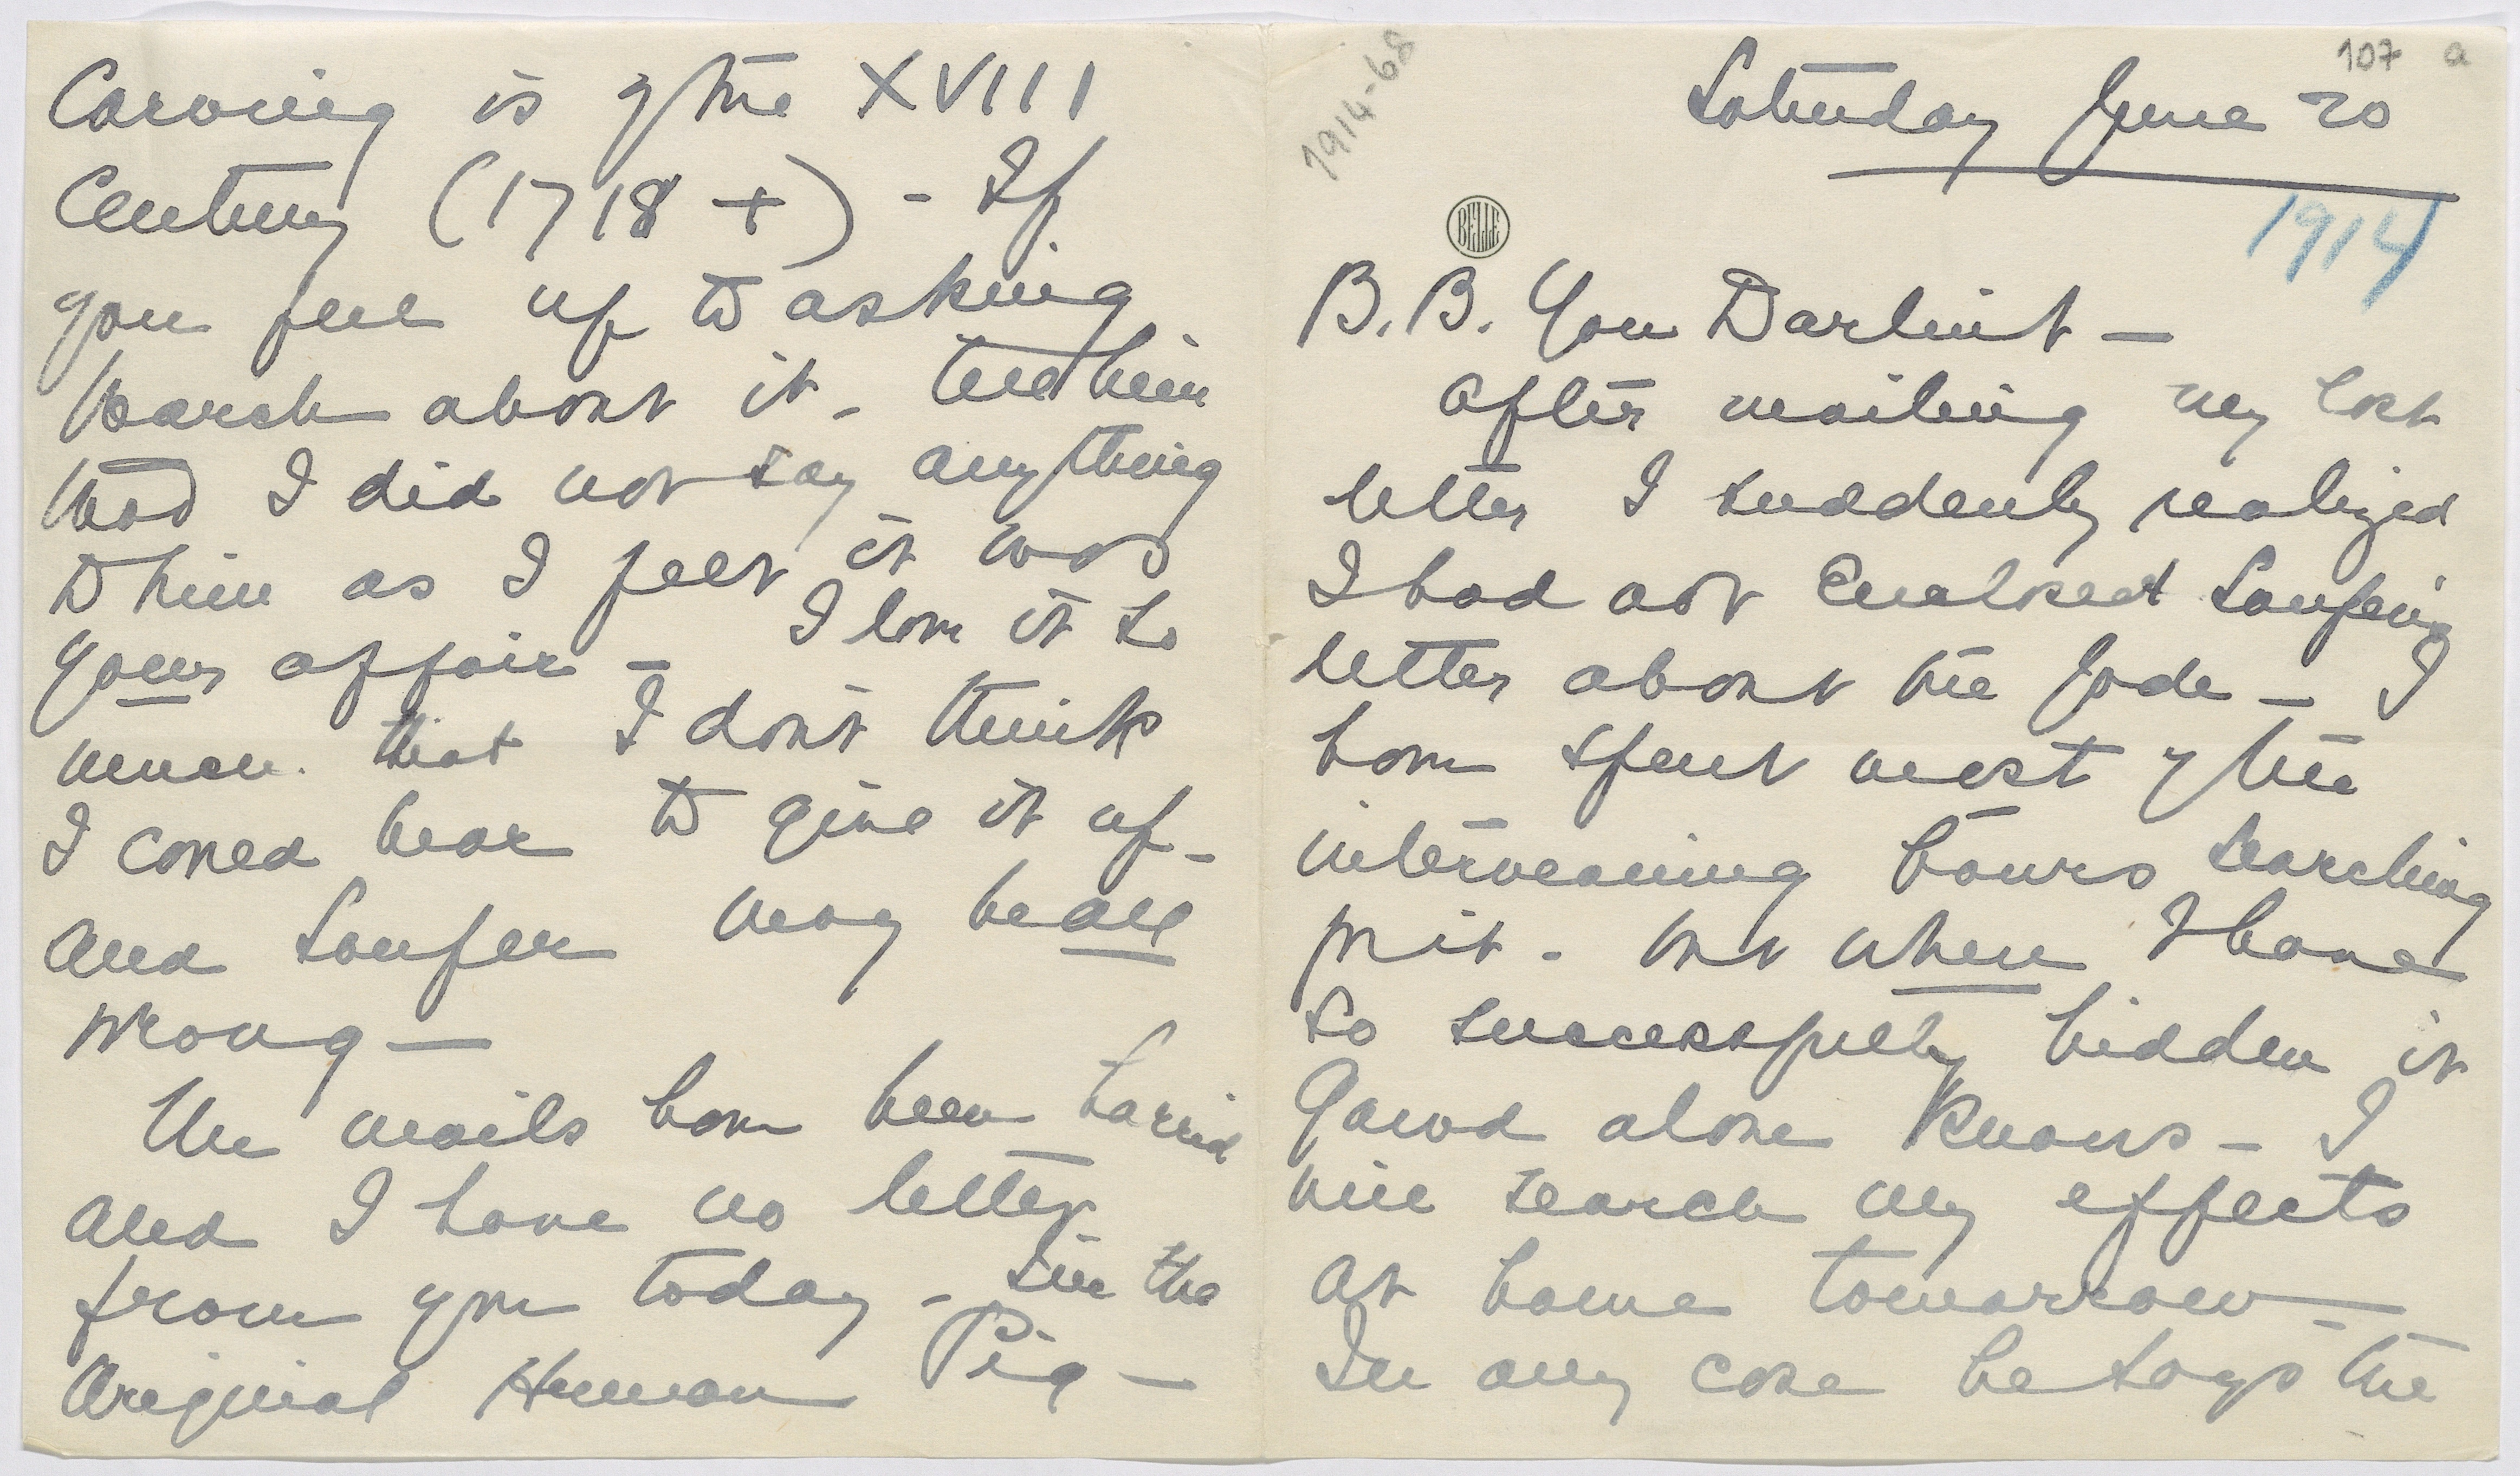Saturday, June 20
B.B. You Darlint –
After mailing my last letter I suddenly realize I had not enclosed Lauffer’s letter about the jade – I have spent most of the intervening hours searching for it – but where I have so successfully hidden it Gawd alone knows – I will search my effects at home tomorrow – In any case he says the
carving is of the XVIII century (1718+) – If you feel up to asking Worch about it – tell him that I did not say anything to him as I felt it was your affair – I love it so much that I don’t think I could bear to give it up – and Laufer may be all wrong –
the mails have been horrid and I have no letter from you today – I’m the original Human Pig –